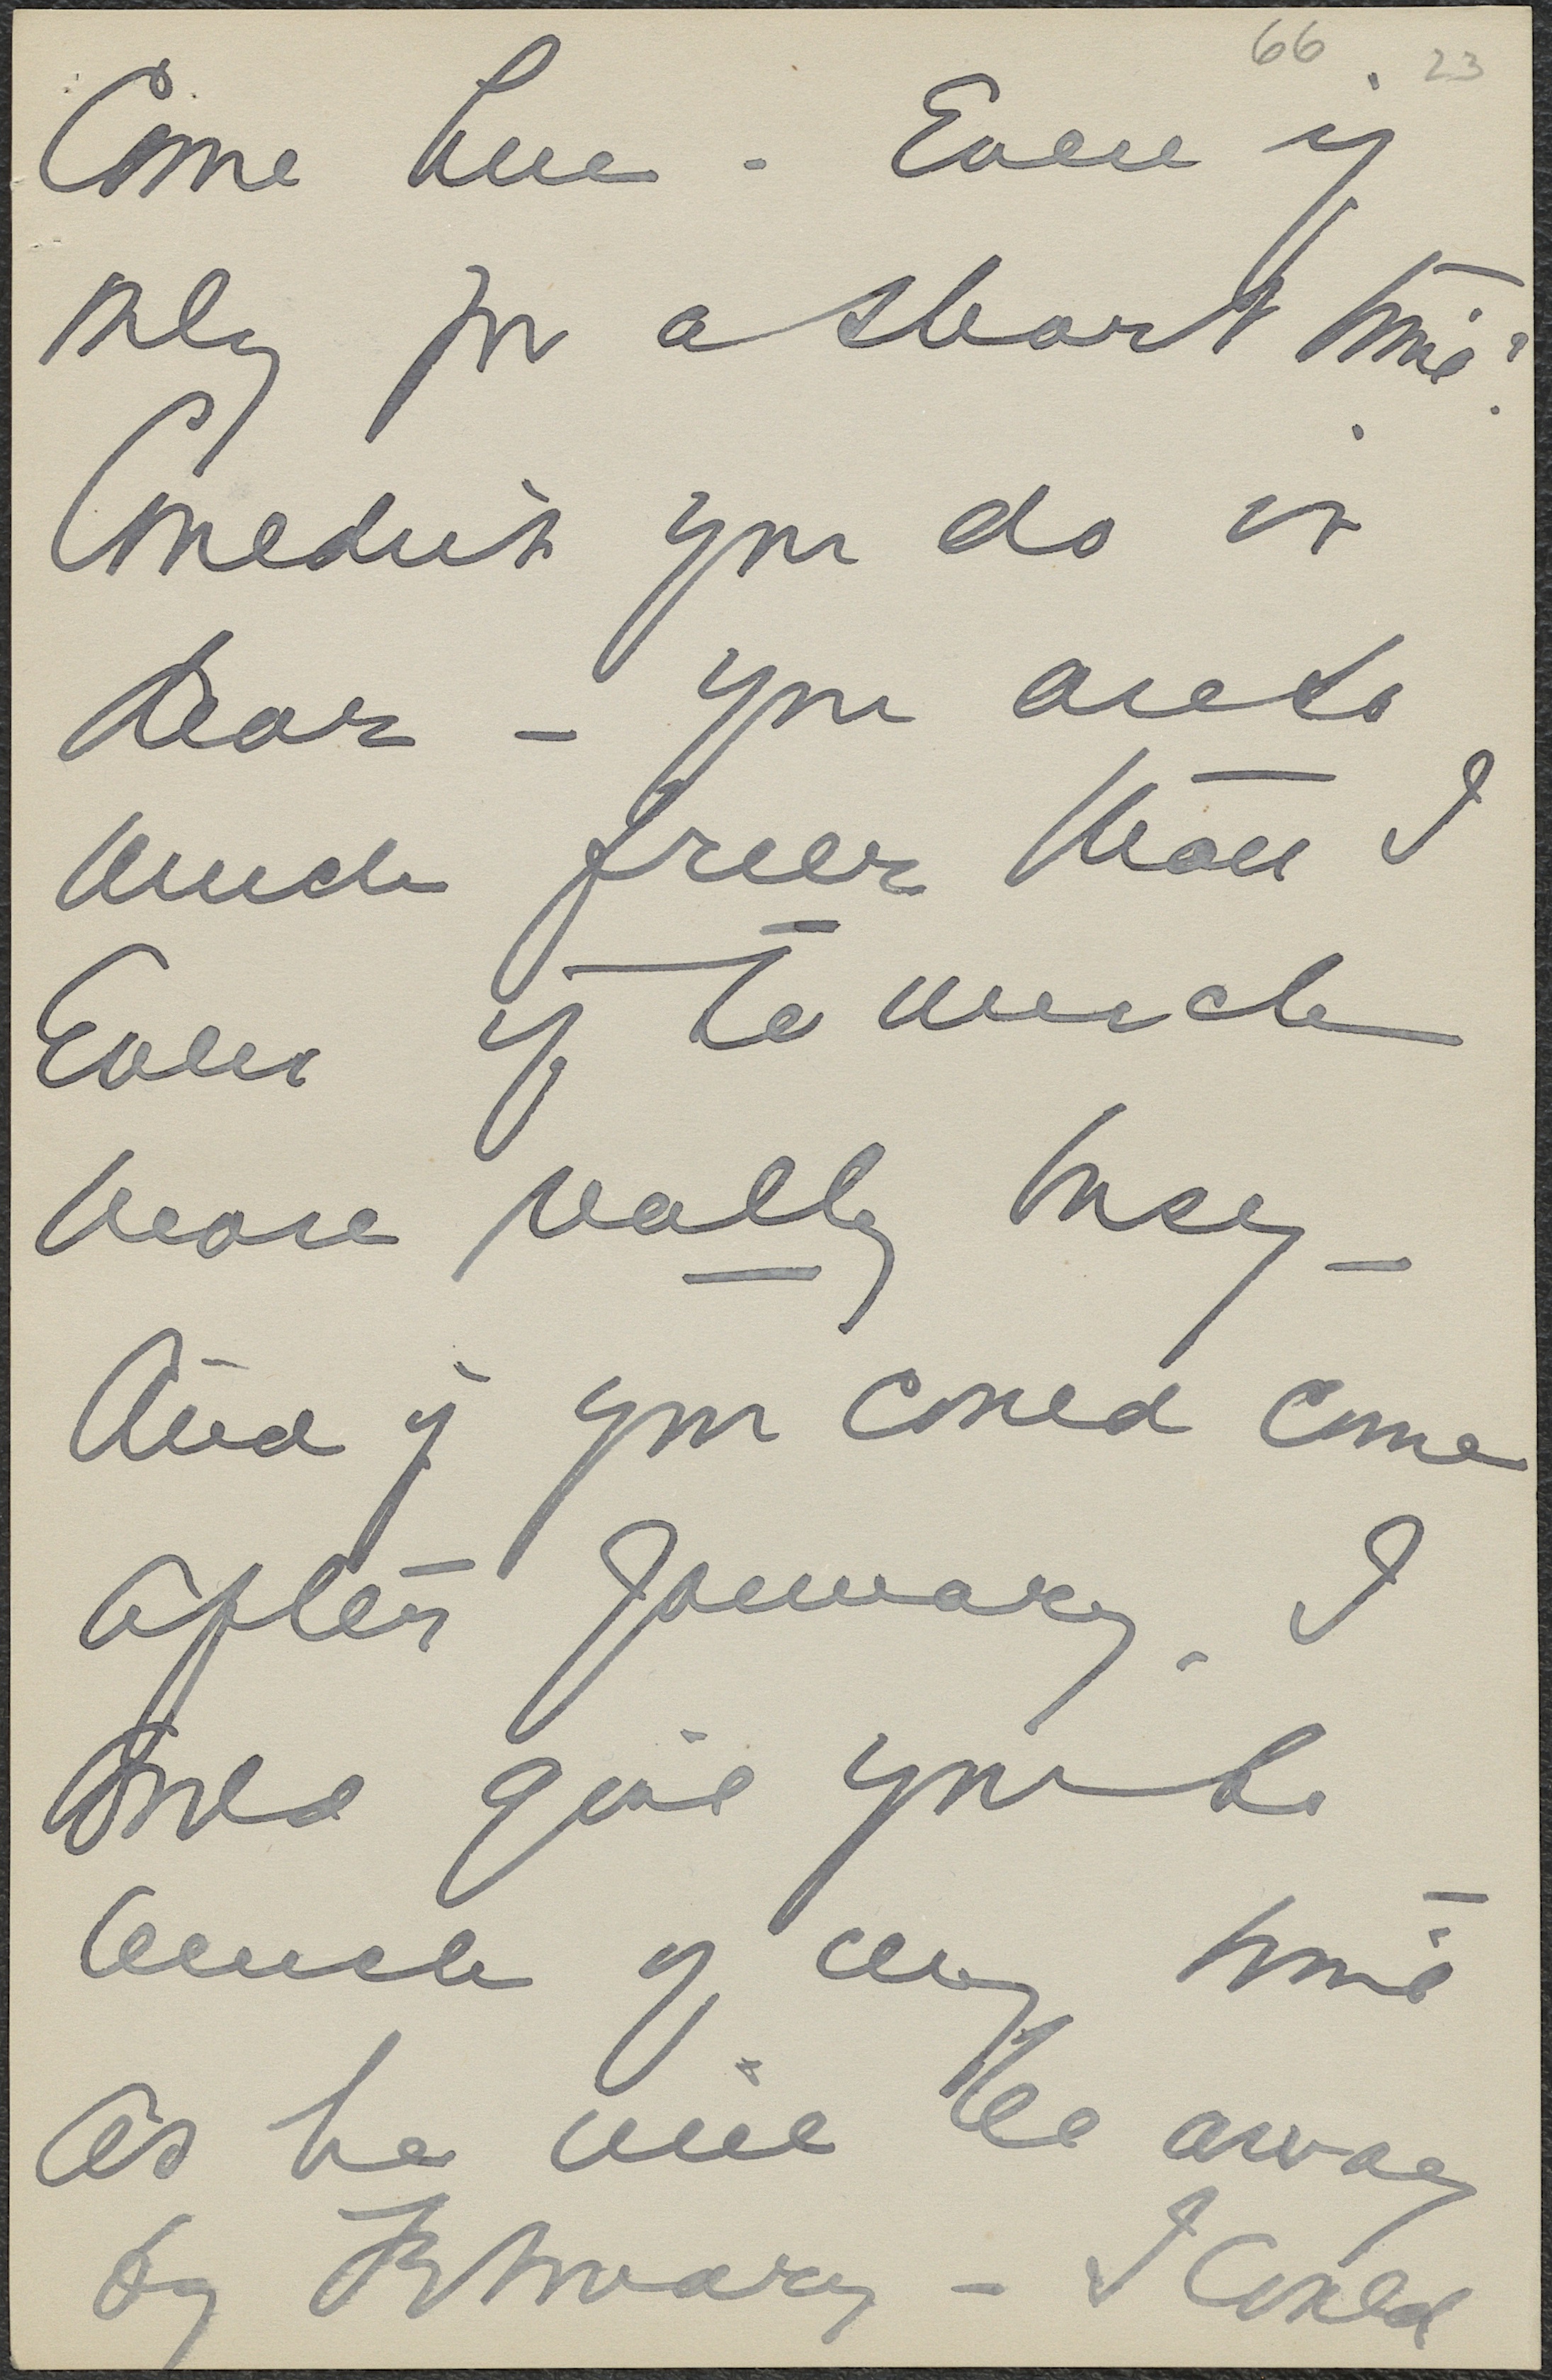come here – even if only for a short time? Couldn’t you do it dear – you are so much freer than I even if so much more really busy – and if you could come after January, I could give you so much of my time as he will be away by February – I could